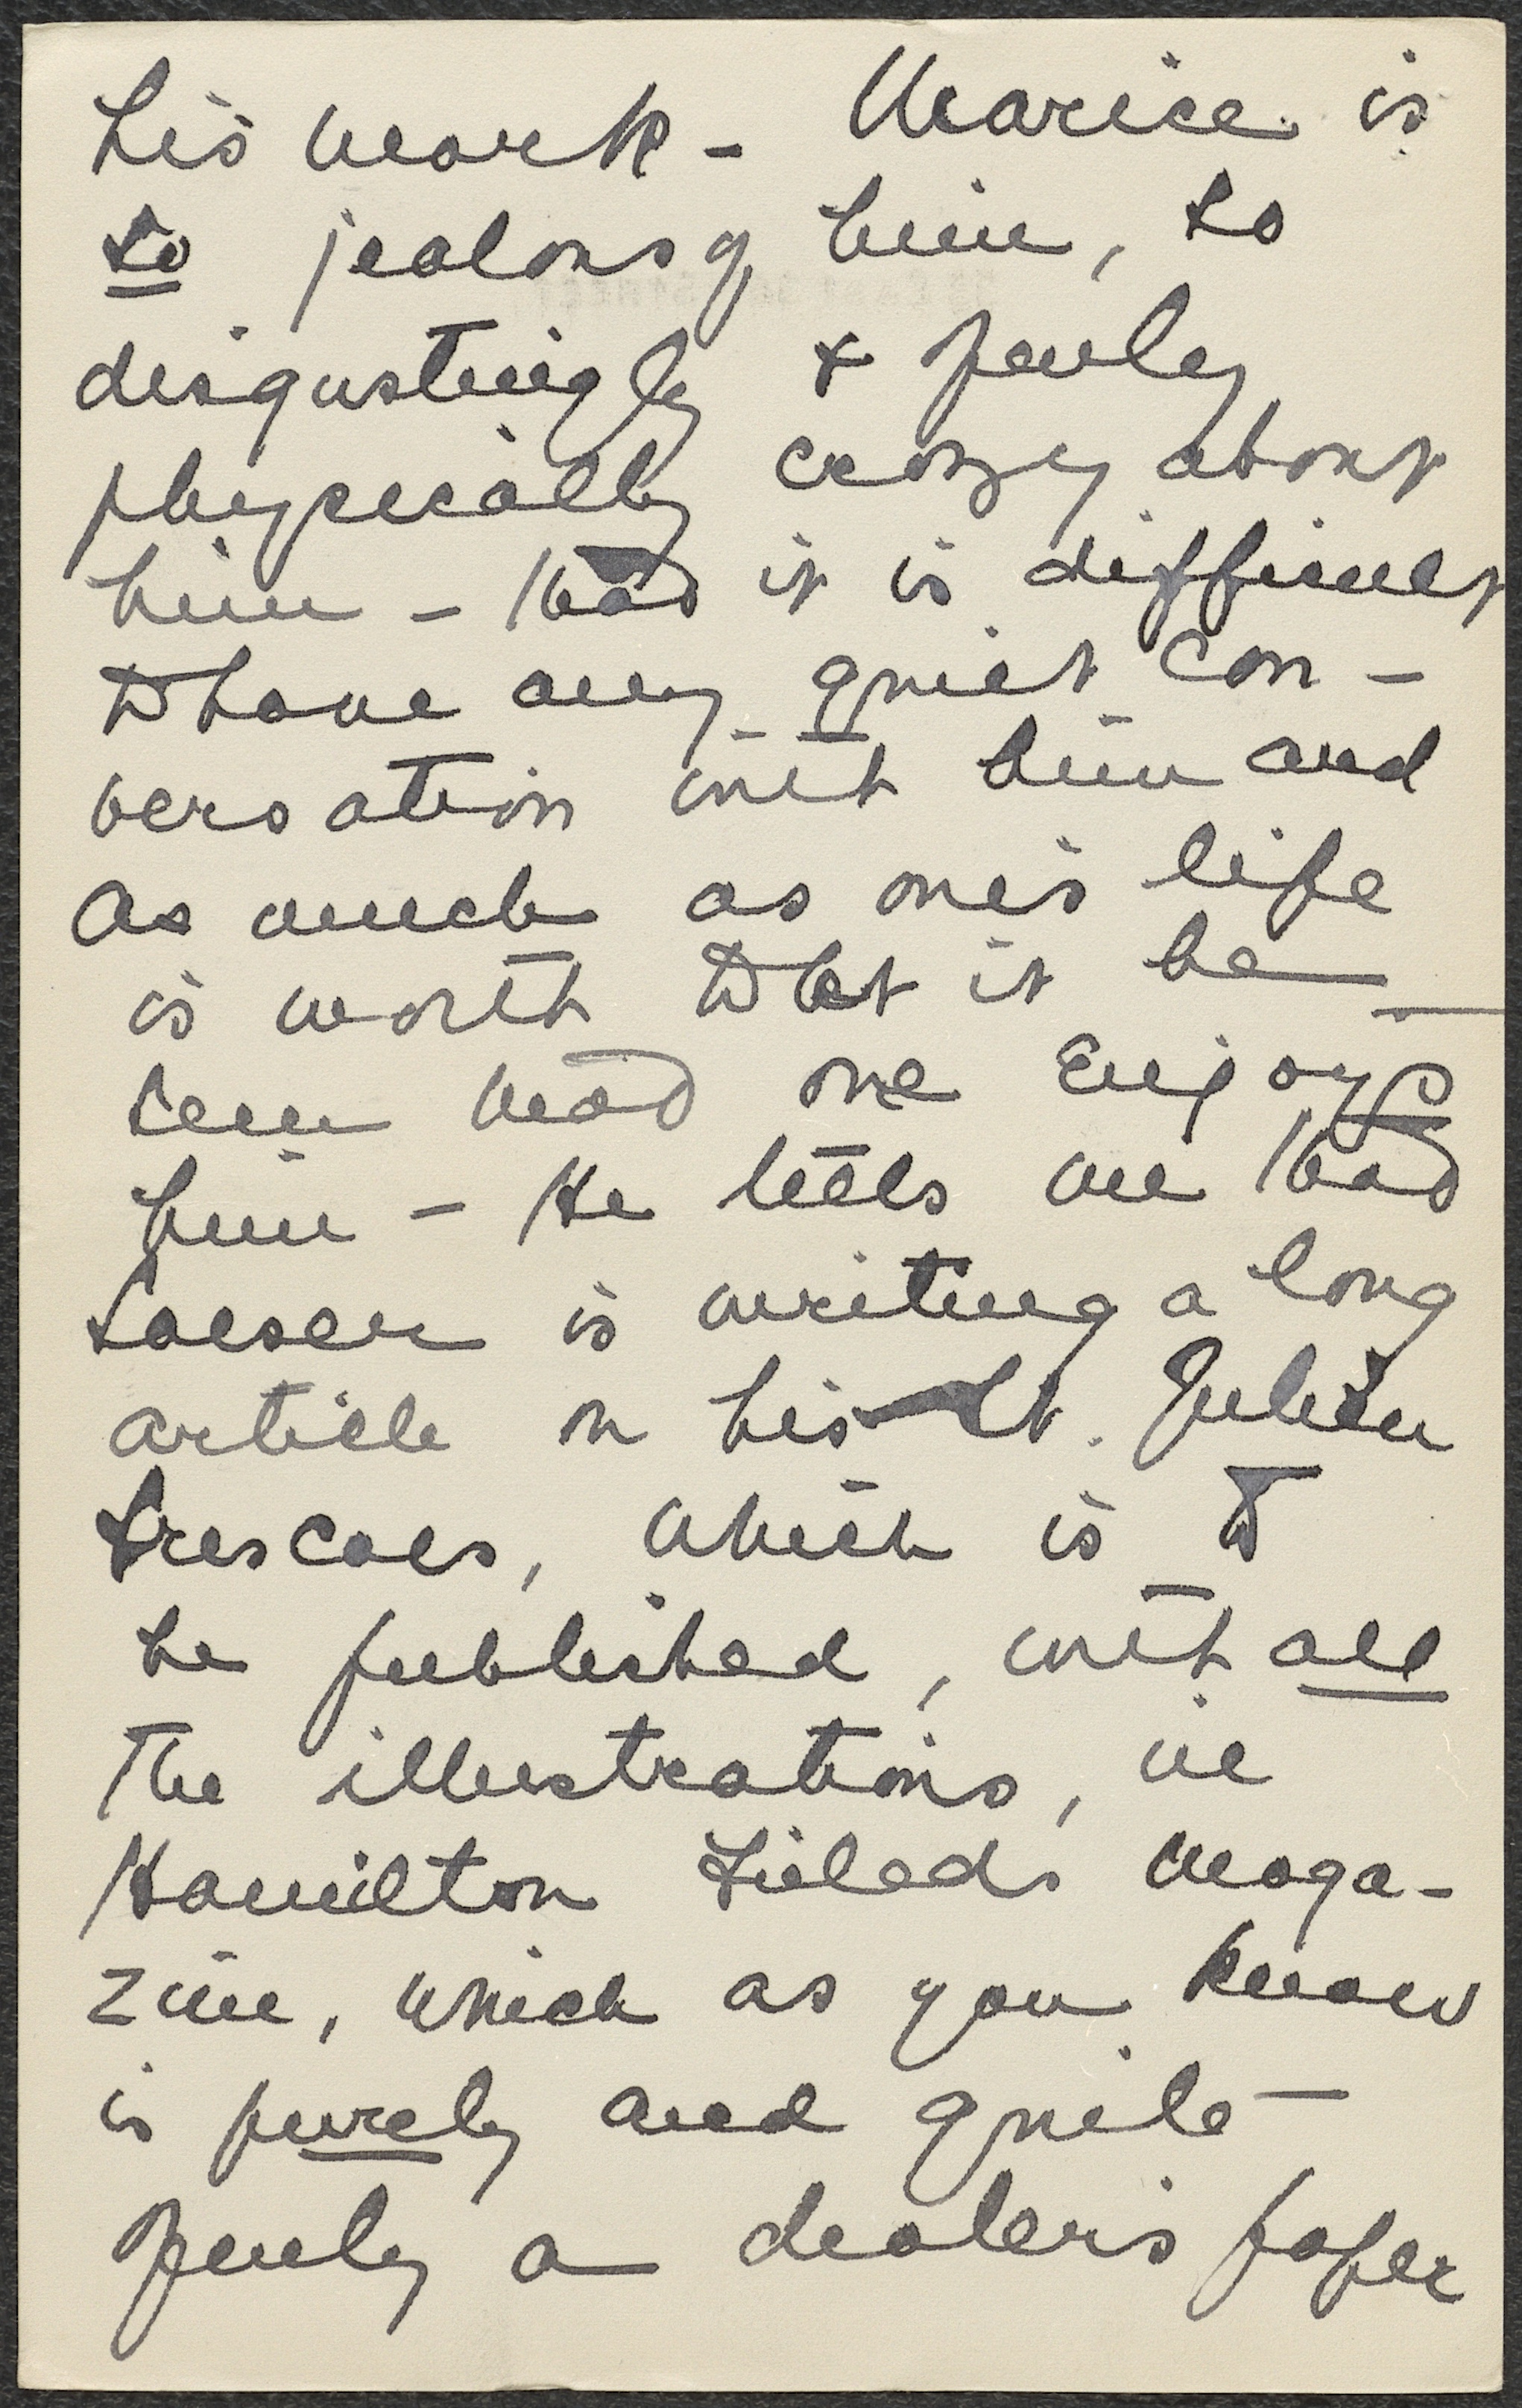his work – Marice is so jealous of him, so disgustingly & openly physically crazy about him – that it is difficult to have any quiet conversation with him and as much as one’s life is worth to let it be seen that one enjoys him – He tells me that Loeser is writing a long article on his St. Julian frescoes, which is to be published, with all the illustrations, in Hamilton Fieled’s [sic] magazine, which as you know is purely and quite openly a dealer’s paper